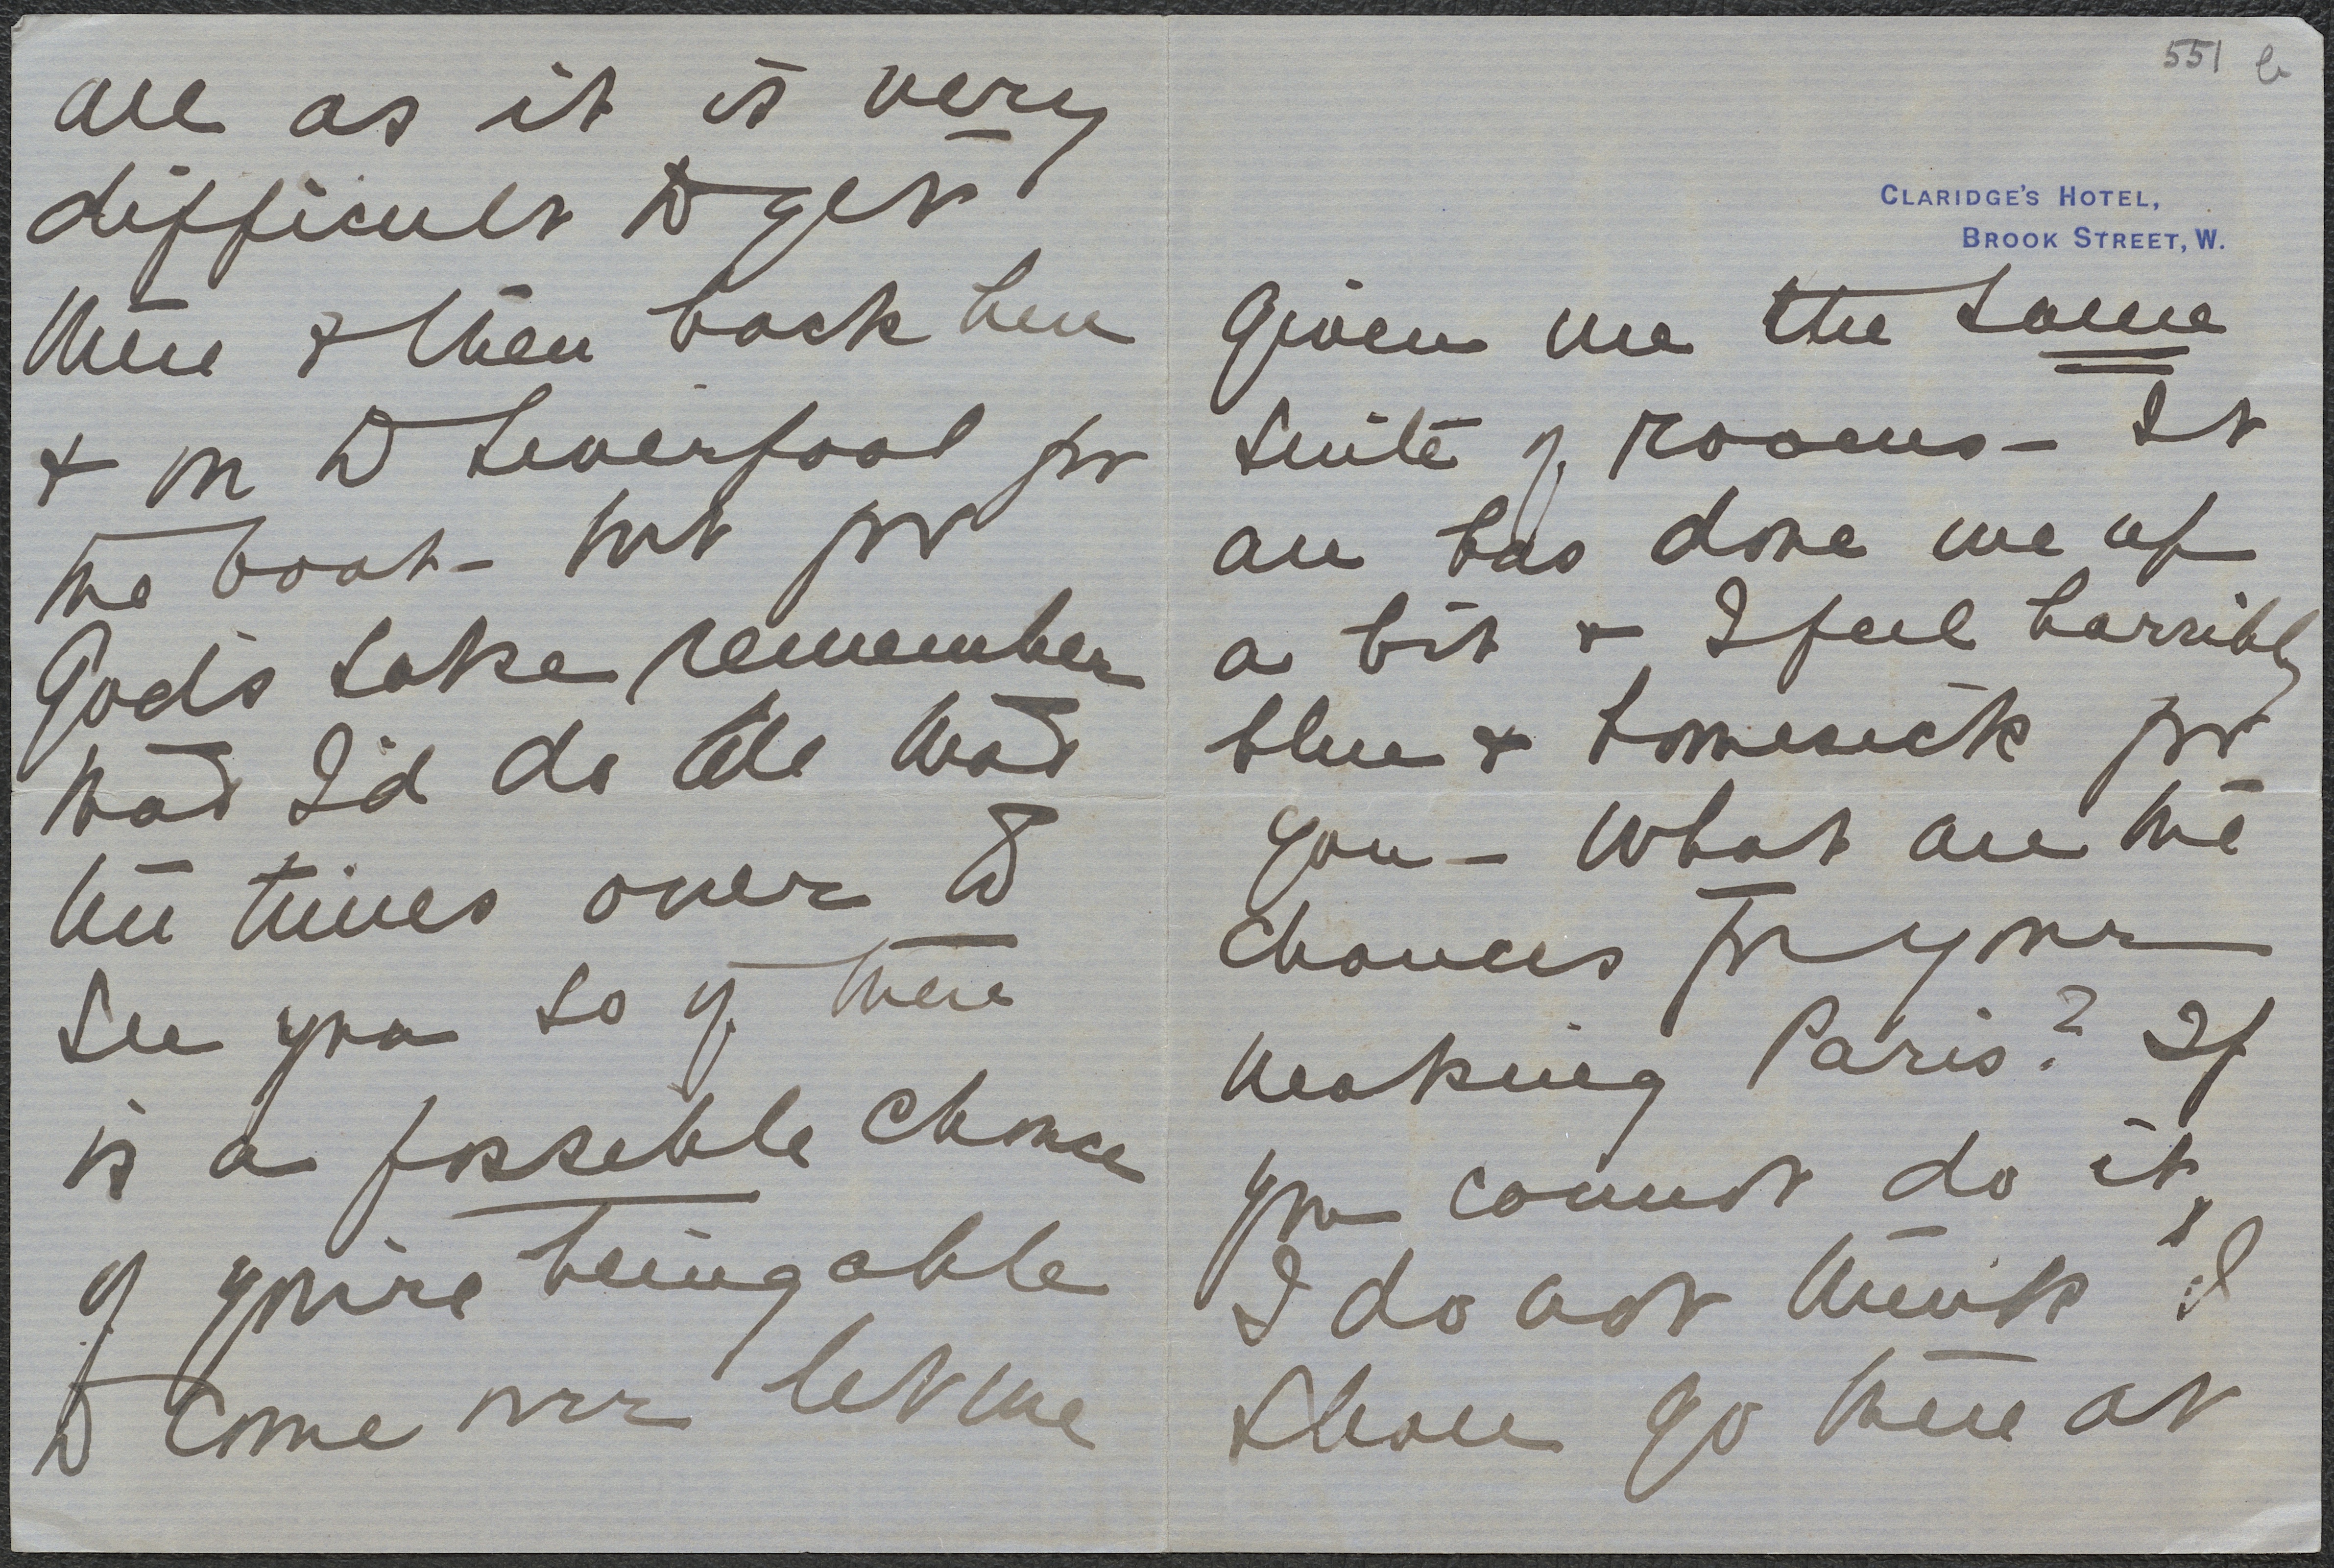given me the [double underlined: same] suite of rooms – It all has done me up a but & I feel horribly blue & homesick for you – what are the chances for your making Paris? If you cannot do it, I do not think I shall go there at
all as it is very difficult to get there & then back here & on to Liverpool for the boat – but for God’s sake remember that I’d do all that ten times over to see you so if there is a possible chance of you’re [sic] being able to come over let me